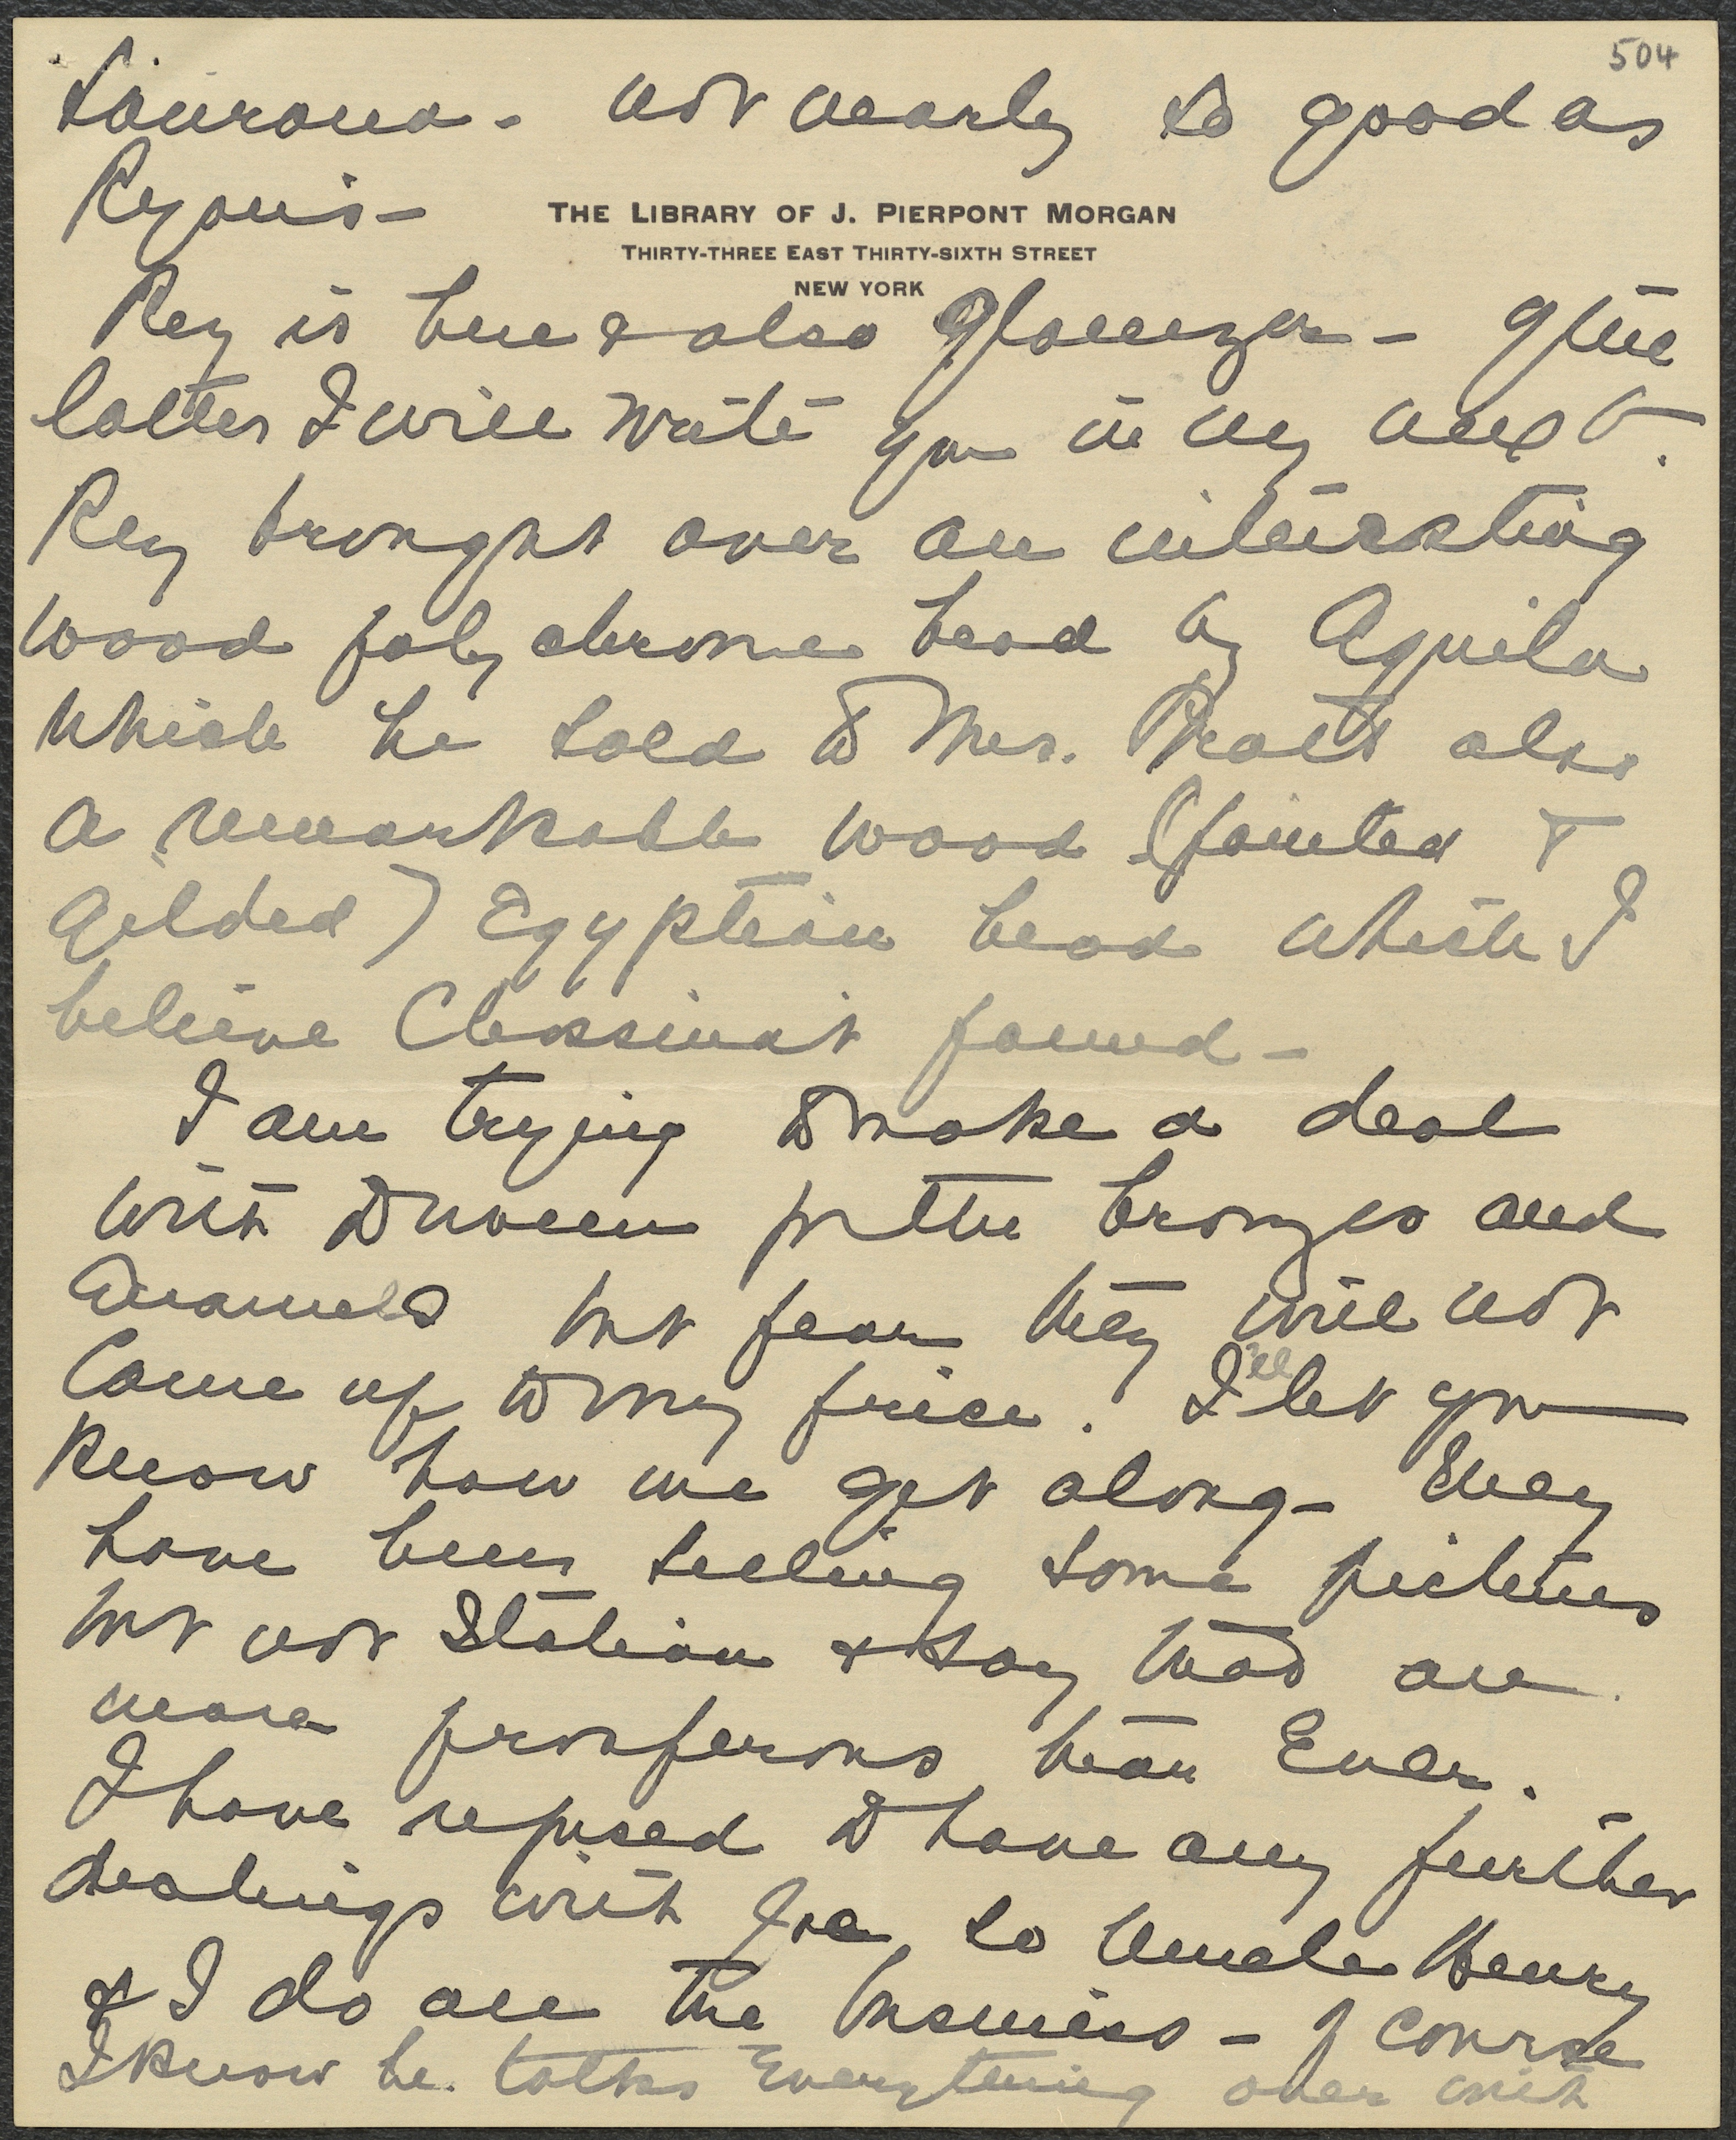Laurana – not nearly so good as Ryan's –
Rey is here & also Glaenzer – of the latter I will write you in my next. Rey brought over an interesting wood polychrome head of Aquila which he sold to Mrs. Pratt also a remarkable wood (painted & gilded) Egyptian head which I believe Chassinat found –
I am trying to make a deal with Duveen for the bronzes and enamels but fear they will not come up to my price. I'll let you know how we get along – they have been selling some pictures but not Italian & say that are [sic] more prosperous than ever. I have refused to have any further dealings with Joe, so Uncle Henry & I do all the business – of course I know he talks everything over with